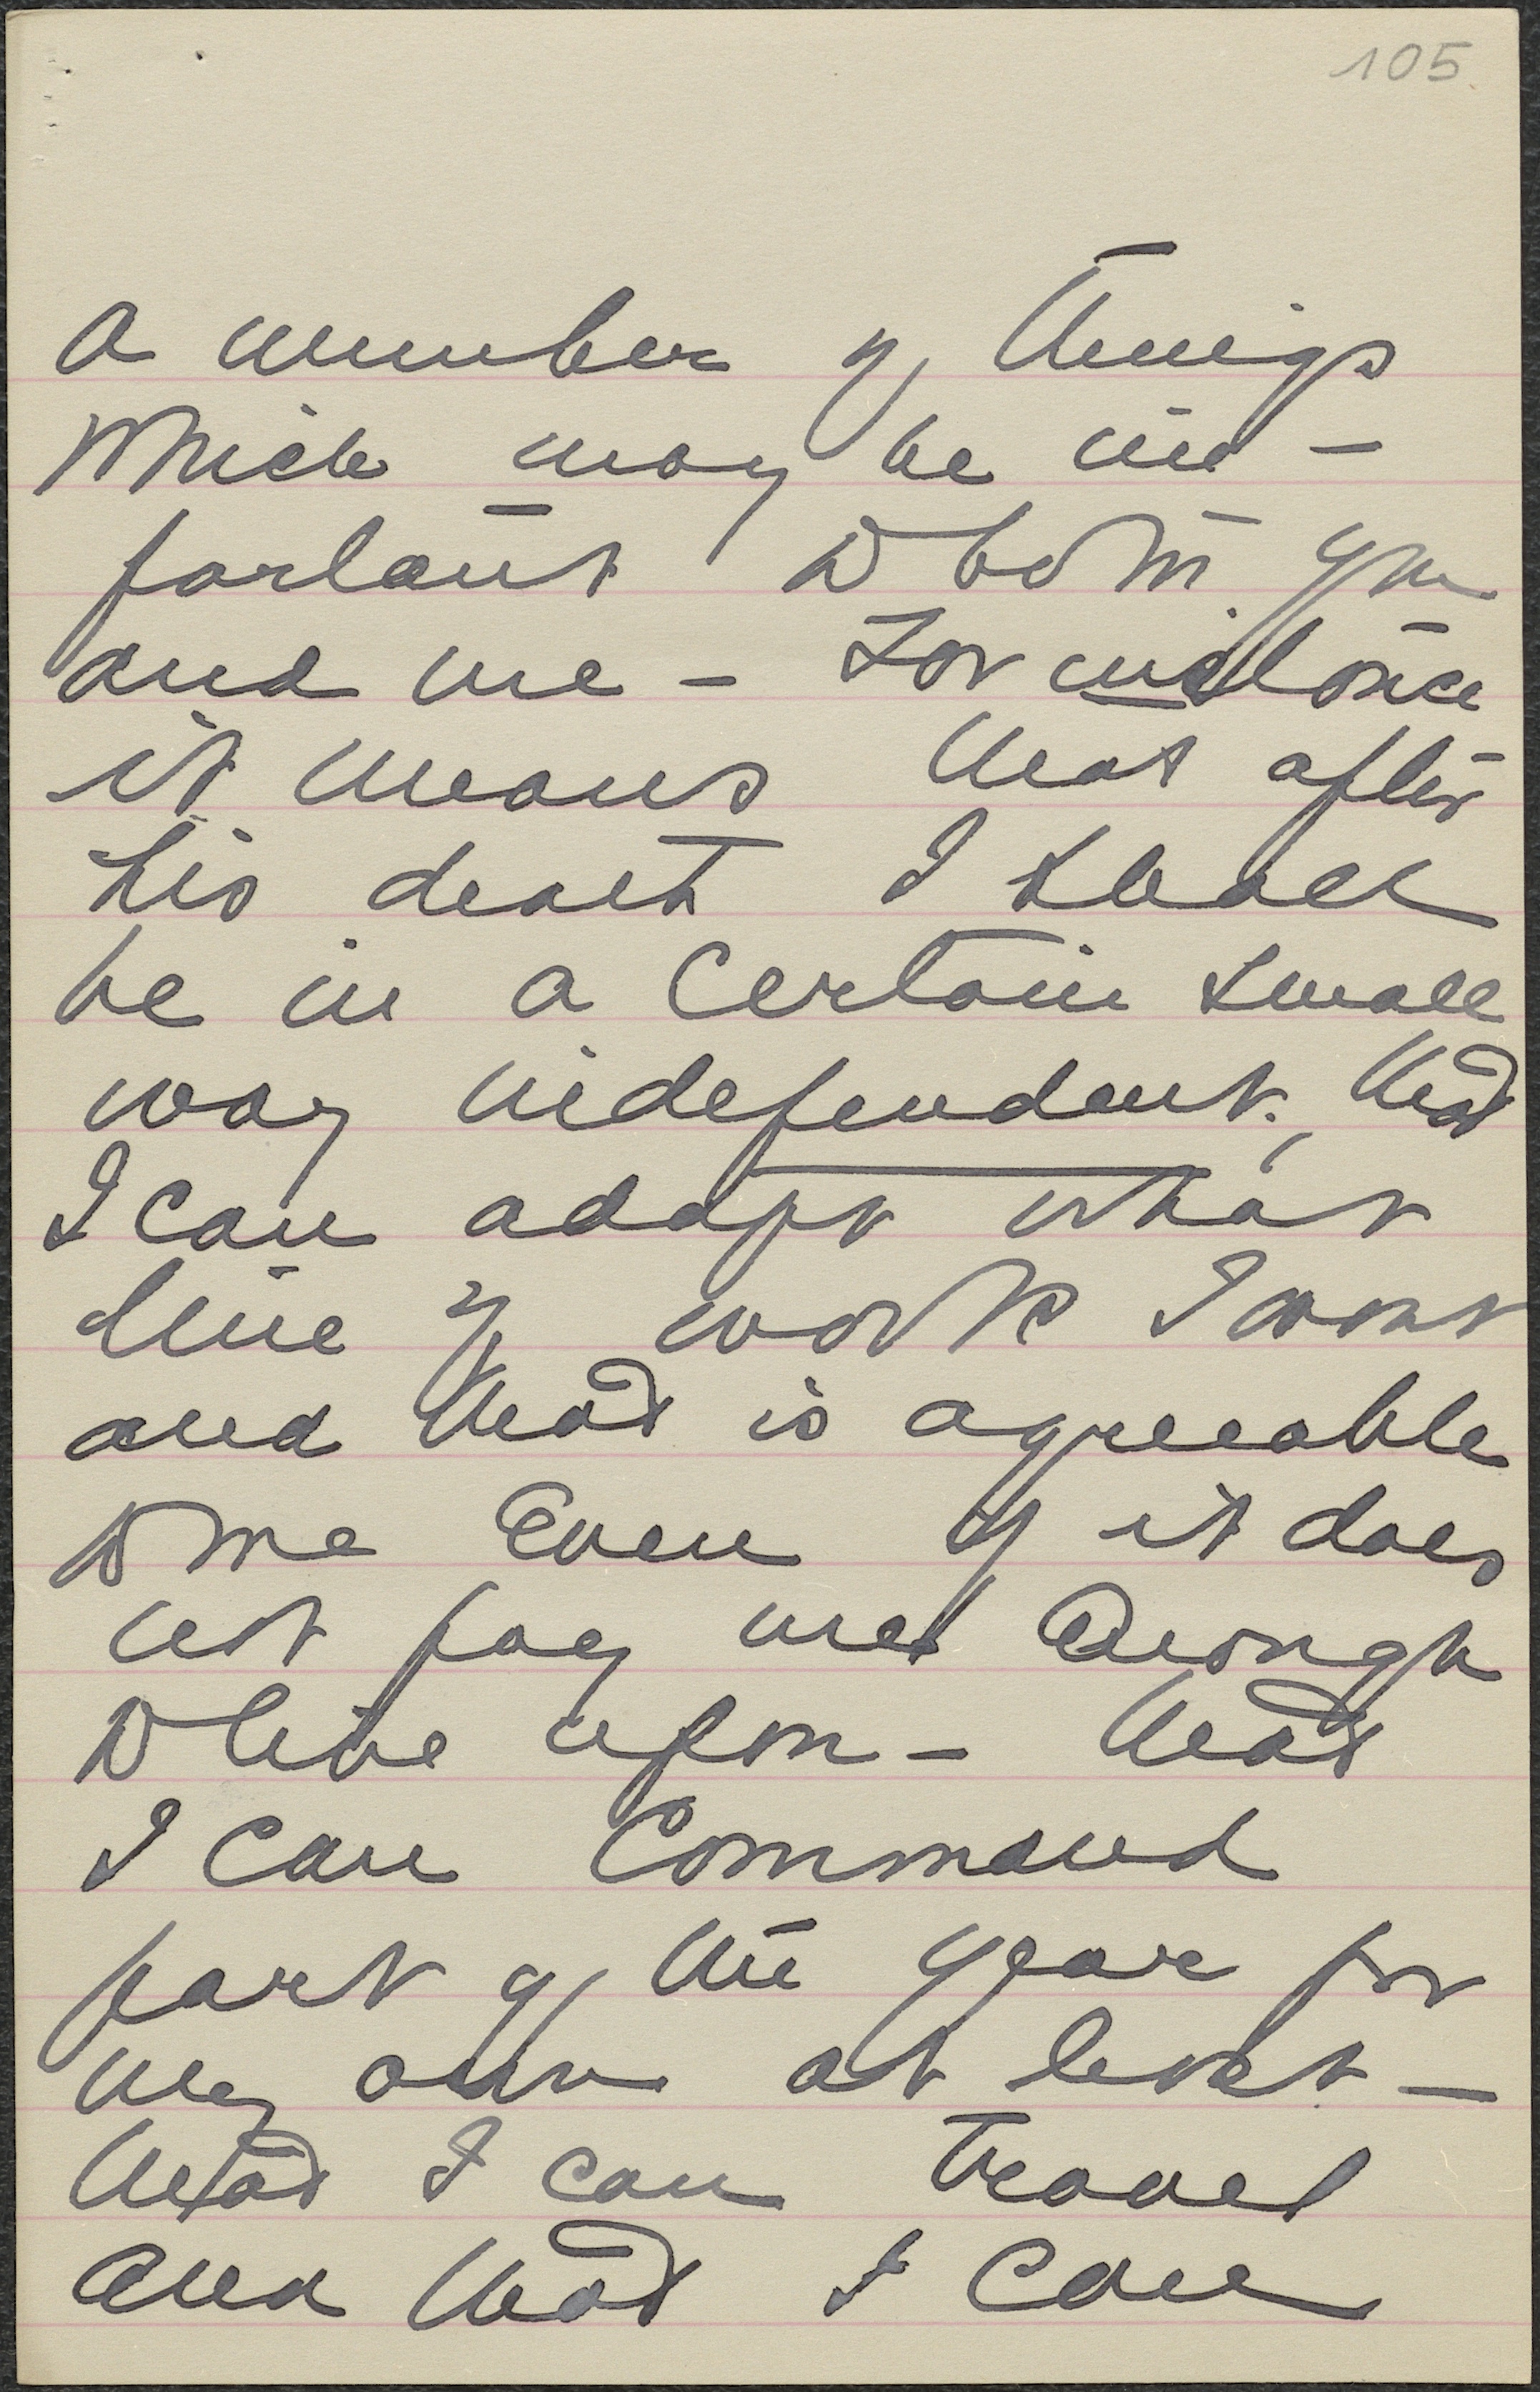a number of things which may be important to both you and me – for instance it means that after his death I shall be in a certain small way independent, that I can adapt what line of work I want and that is agreeable to me even if it does not pay me enough to live upon – that I can command part of the year for my own at least – that I can travel and that I can